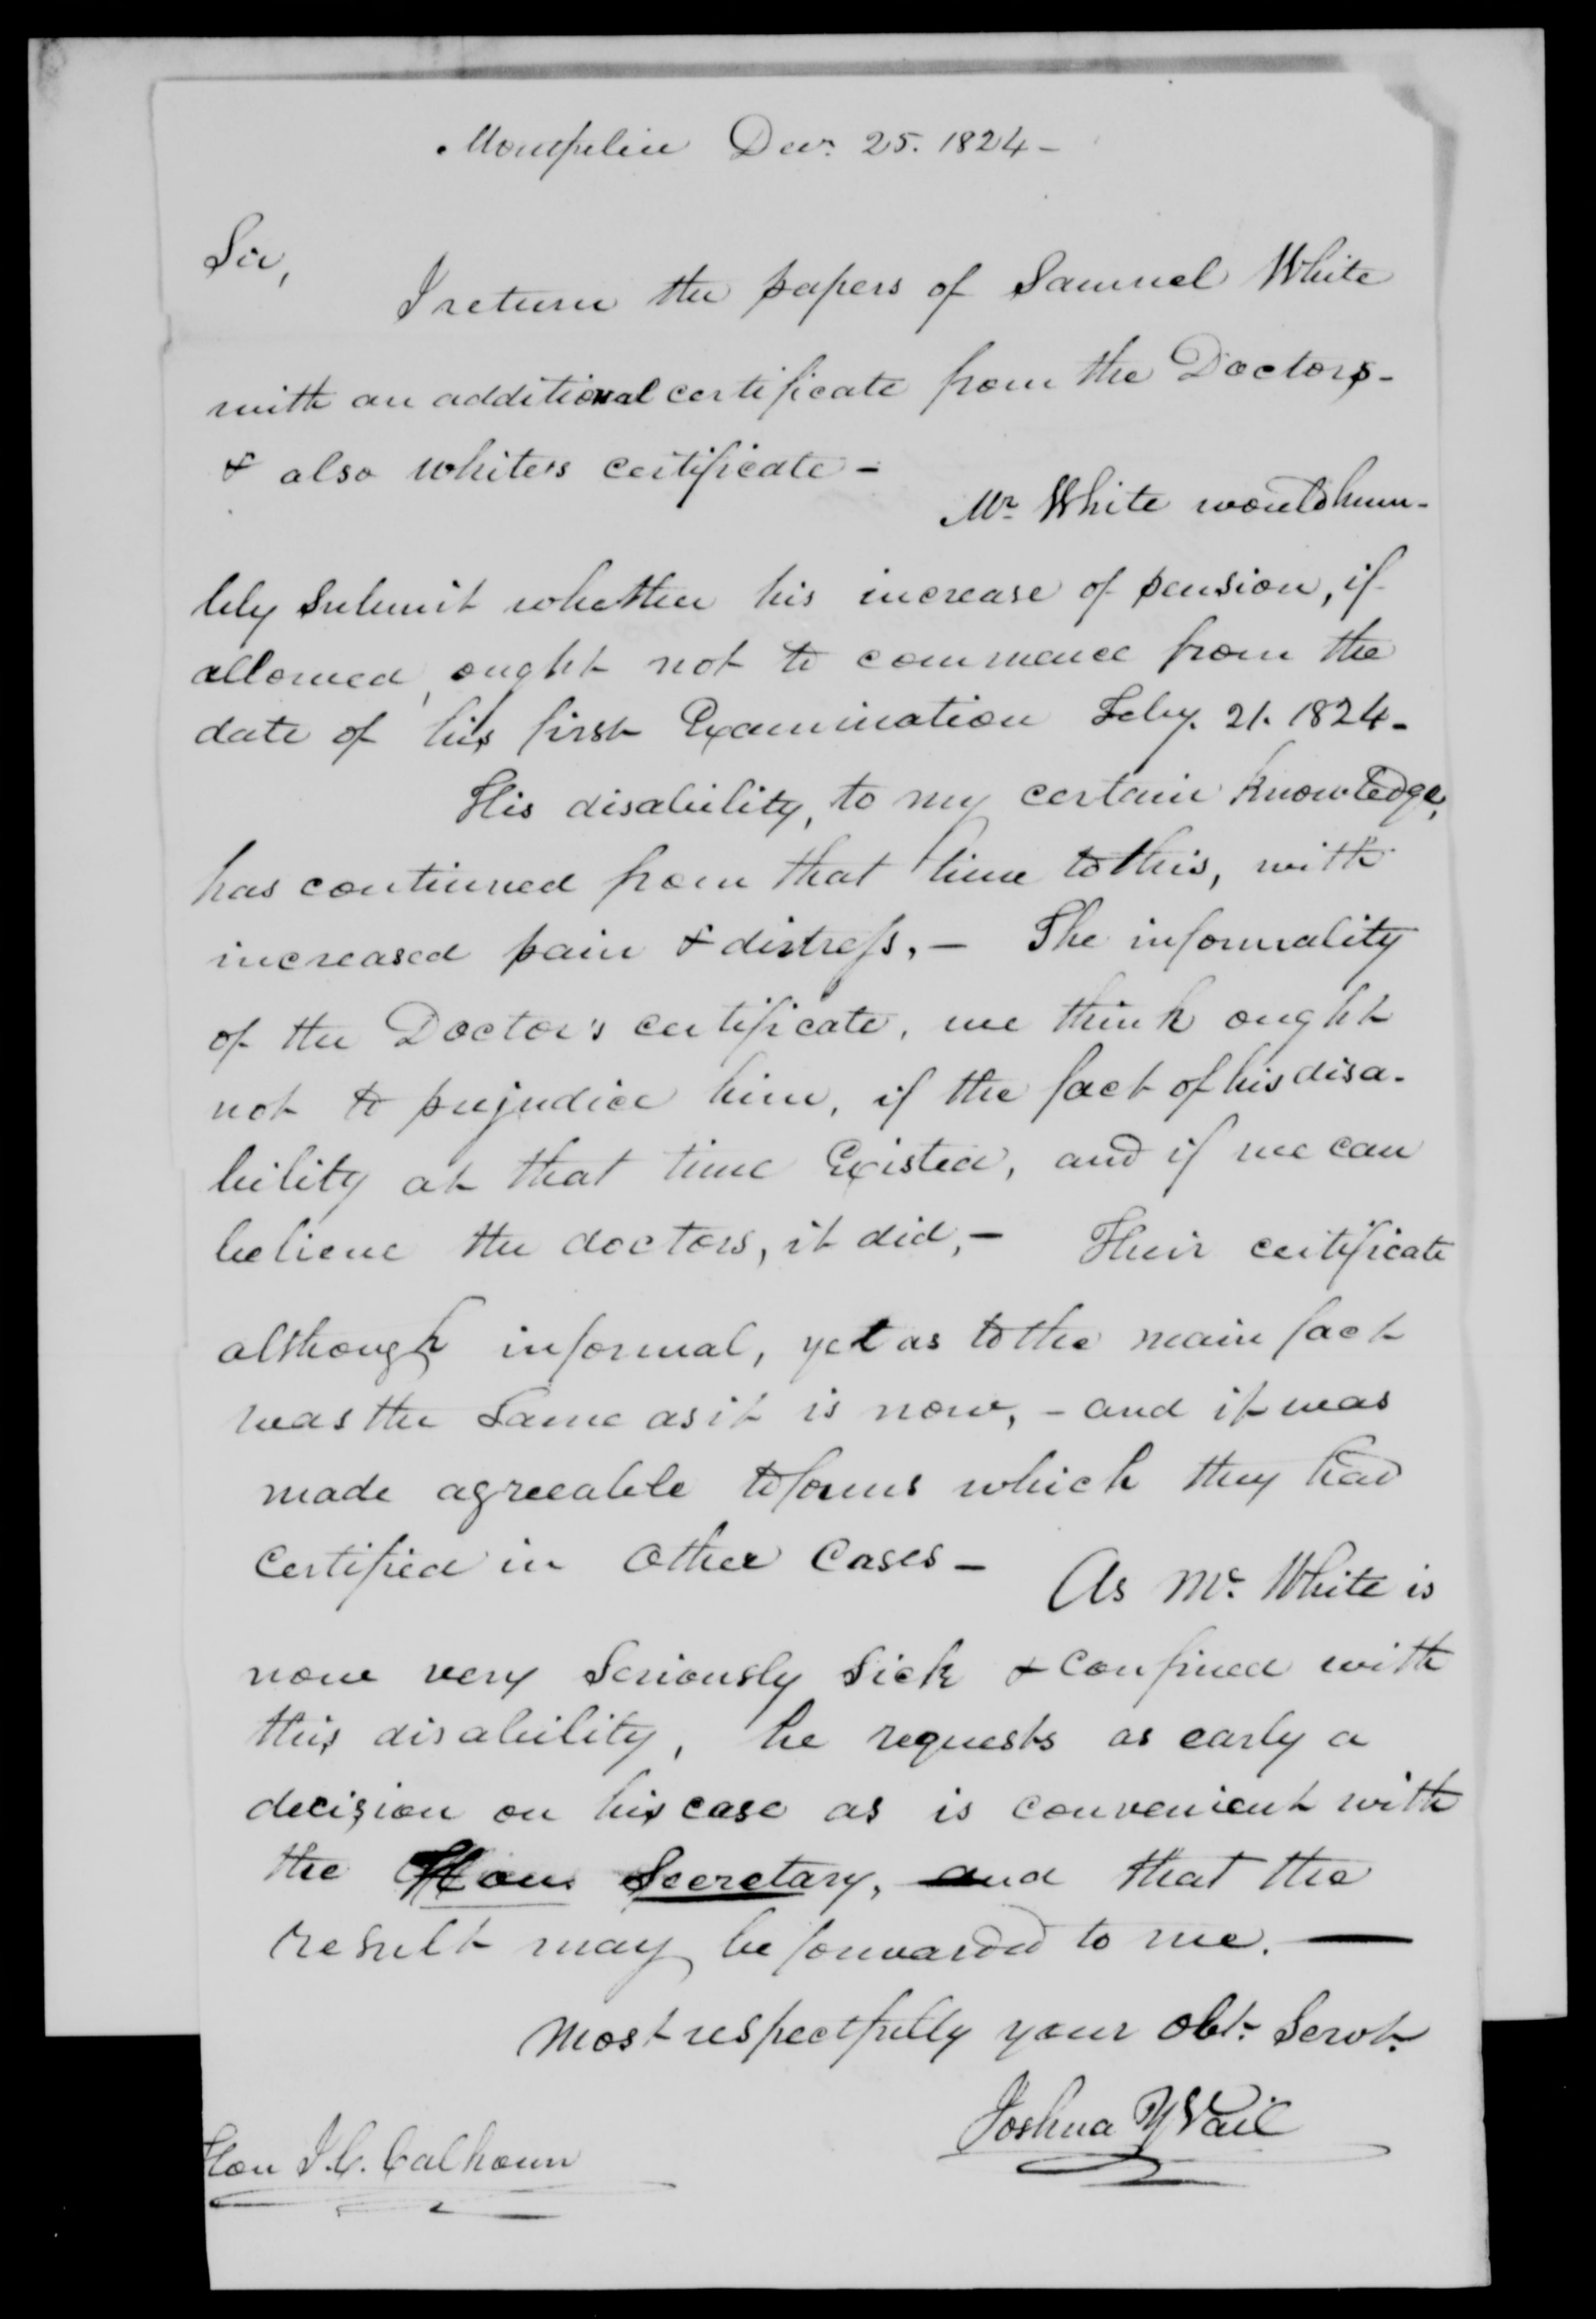Montpelier Dec. 25, 1824
Sir
I return the papers of Samuel White with an additional certificate from Doctors & also White's cetificate.
Mr. White would humbly submit wither his increase of pension, if allowed, ought not to commence from the date of his first examination, Feby. 21. 1824.
His disability to my certain knowledge, has continued from that time to this, with increased pain & distress. The informality of the Doctor's certificate, we think ought not to prejudice him, if the fact of his disability at that time existed, and if we can believe the doctors, it did. 
Their certificate although informal, yet as to the main fact was the same as it is now, and it was made agreeable to forms which they had certified in other cases.
As Mr. White is now very seriously sick & confined with this disability, he requests as early a decision on his case as is convenient with the House Secretary, and that the result may be forwarded to me.
Most respectfully your obt. sevt.
Joshua Y. Vail

Hon. J. C. Calhoun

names: J C Calhoun, Joshua Y Nail, Samuel White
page: 59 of 79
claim: survivor's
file: S. 11759, Samuel White, Mass.